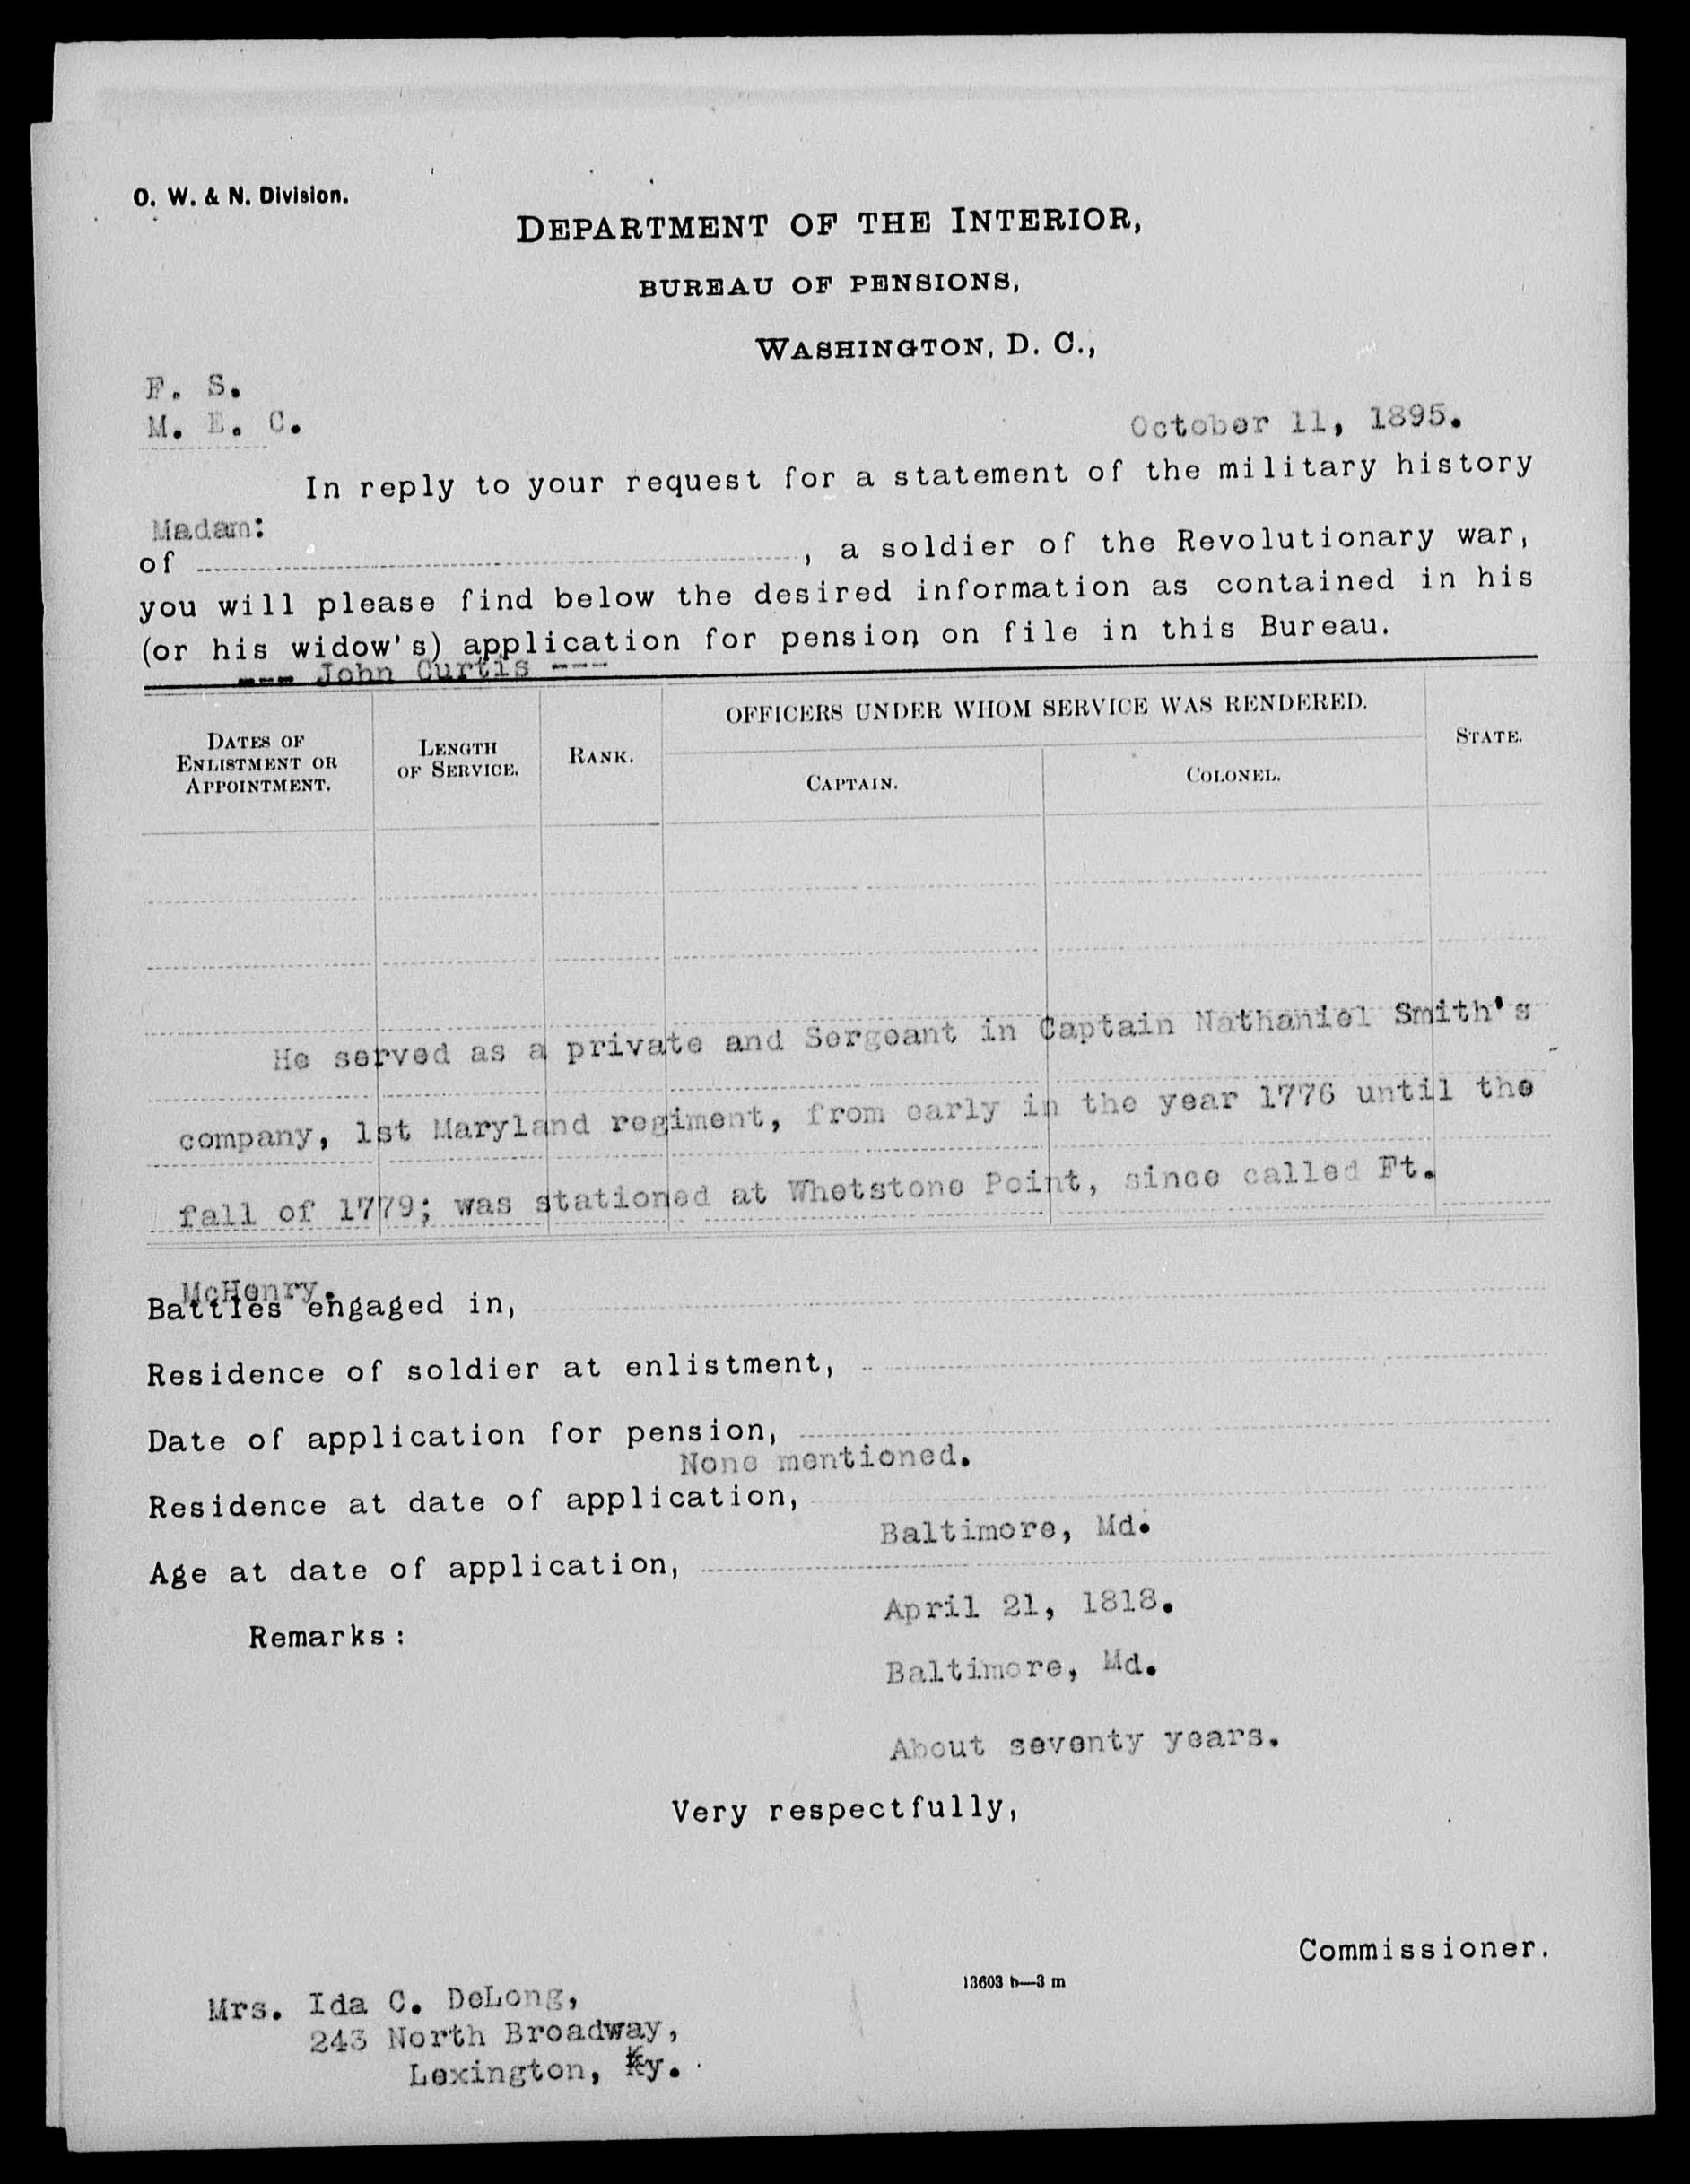O. W. & N. Division.

DEPARTMENT OF THE INTERIOR,
BUREAU OF PENSIONS,
WASHINGTON, D. C.,
F.S.
M.E.C.
October 11, 1895.
Madam
In reply to your request for a statement of the military history
of _____,a soldier of the Revolutionary war,
you will please find below the desired information as contained in his
(or his widow's) application for pension on file in this Bureau.
---John Curtis---
DATES OF
ENLISTMENT OR
APPOINTMENT.

LENGTH
OF SERVICE.

RANK.

OFFICERS UNDER WHOM SERVICE WAS RENDERED
CAPTAIN.
COLONEL.

STATE.

He served as a private and Sergeant in Captain Nathaniel Smith's
company, 1st Maryland regiment, from early in the year 1776 until the
fall of 1779; was stationed at Whetstone Point, since called Ft.
McHenry.

Battles engaged in, _____
Residence of soldier at enlistment,_____
Date of application for pension, None mentioned.
Residence at date of application, Baltimore, Md.
Age at date of application,
Remarks:
April 21, 1818.
Baltimore, Md.
About seventy years.

Very respectfully,
Commissioner

Mrs. Ida C. DeLong,
243 North Broadway,
Lexington, Ky.

13603 5 -- 3 m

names: Mc Henry, John Curtis, Ida C De Long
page: 26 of 26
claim: survivor's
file: S. 34,725, John Curtis, Md.